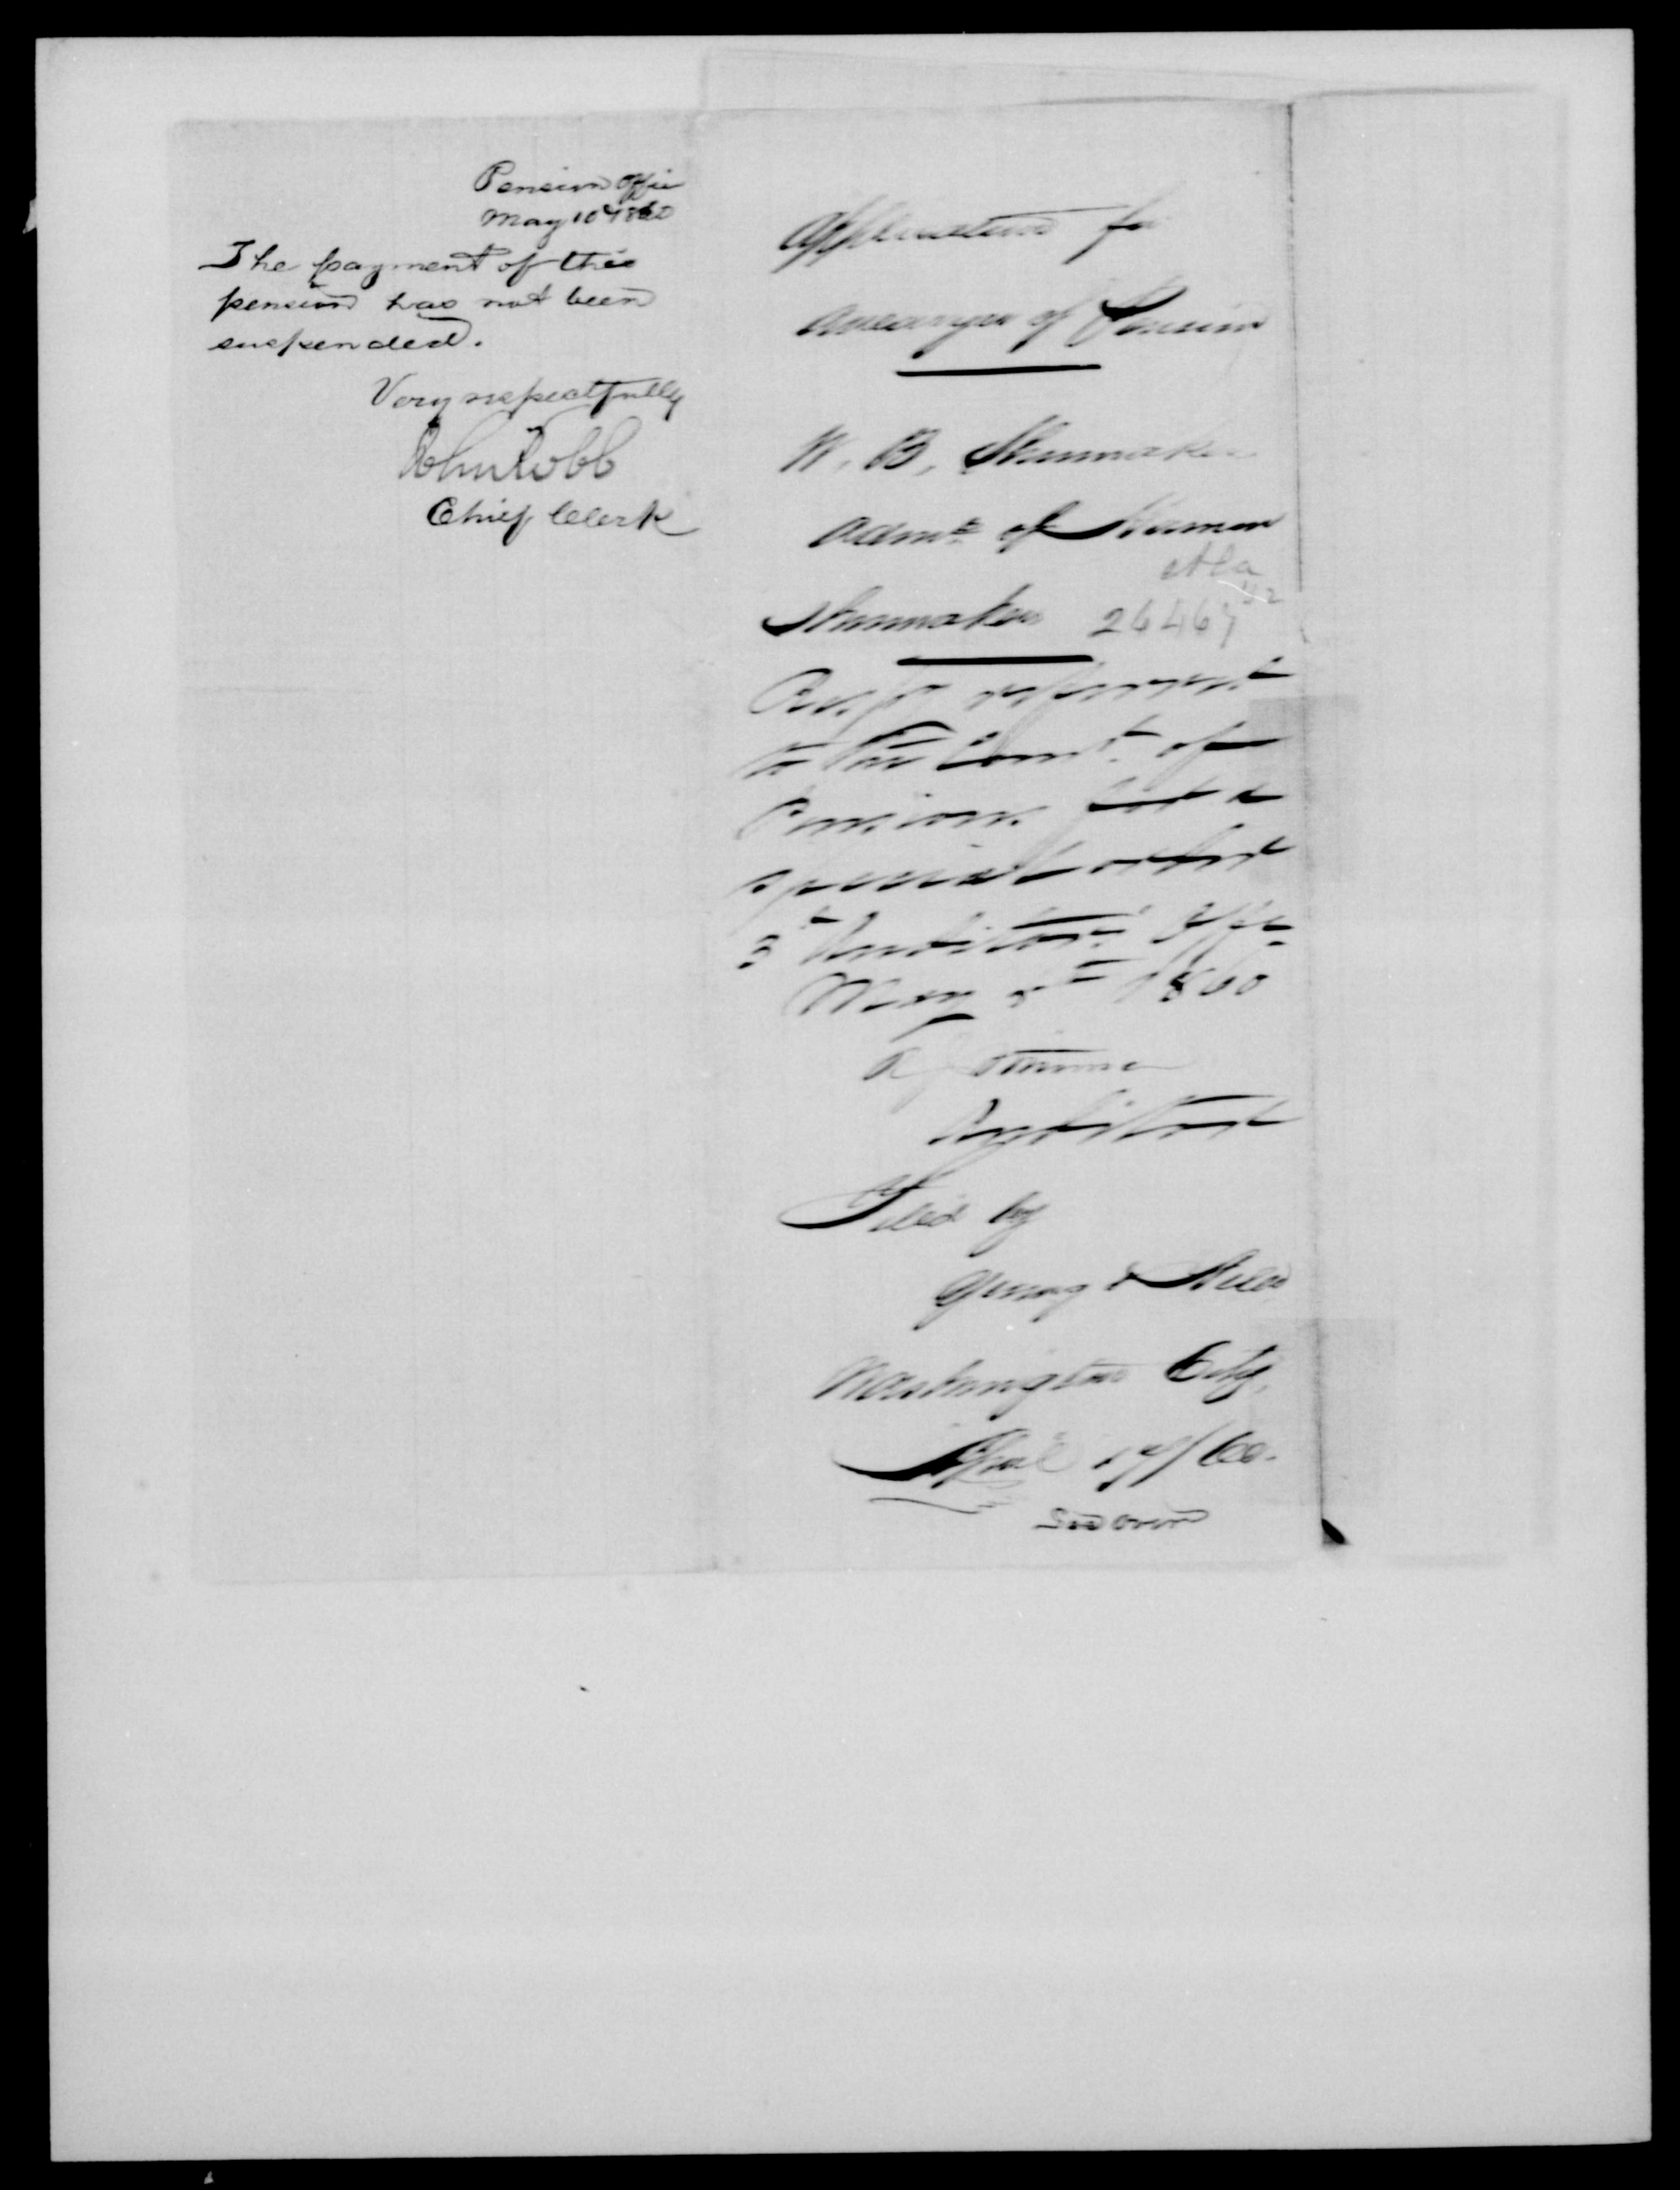Pension office
May 10 1860
The payment of this
pension has not been
suspended.
Very respectfully
John Robb
Chief Clerk
Affidavit for
[illegible] of Pension
W. B. Shumaker
Admr. of Harmon
Shumaker Ala 26467
[illegible]
Pension.
[illegible]
3d Auditor's office
May 5th 1860
[illegible]
Filed by
[illegible]
Washington Cty
Seal of office
See over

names: Harmon Shumaker; John Robb; [BLANK] Niles; W B Shumaker; [BLANK] Young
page: 3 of 20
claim: survivor's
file: S. 32512, for Harmon Shumaker, Maryland